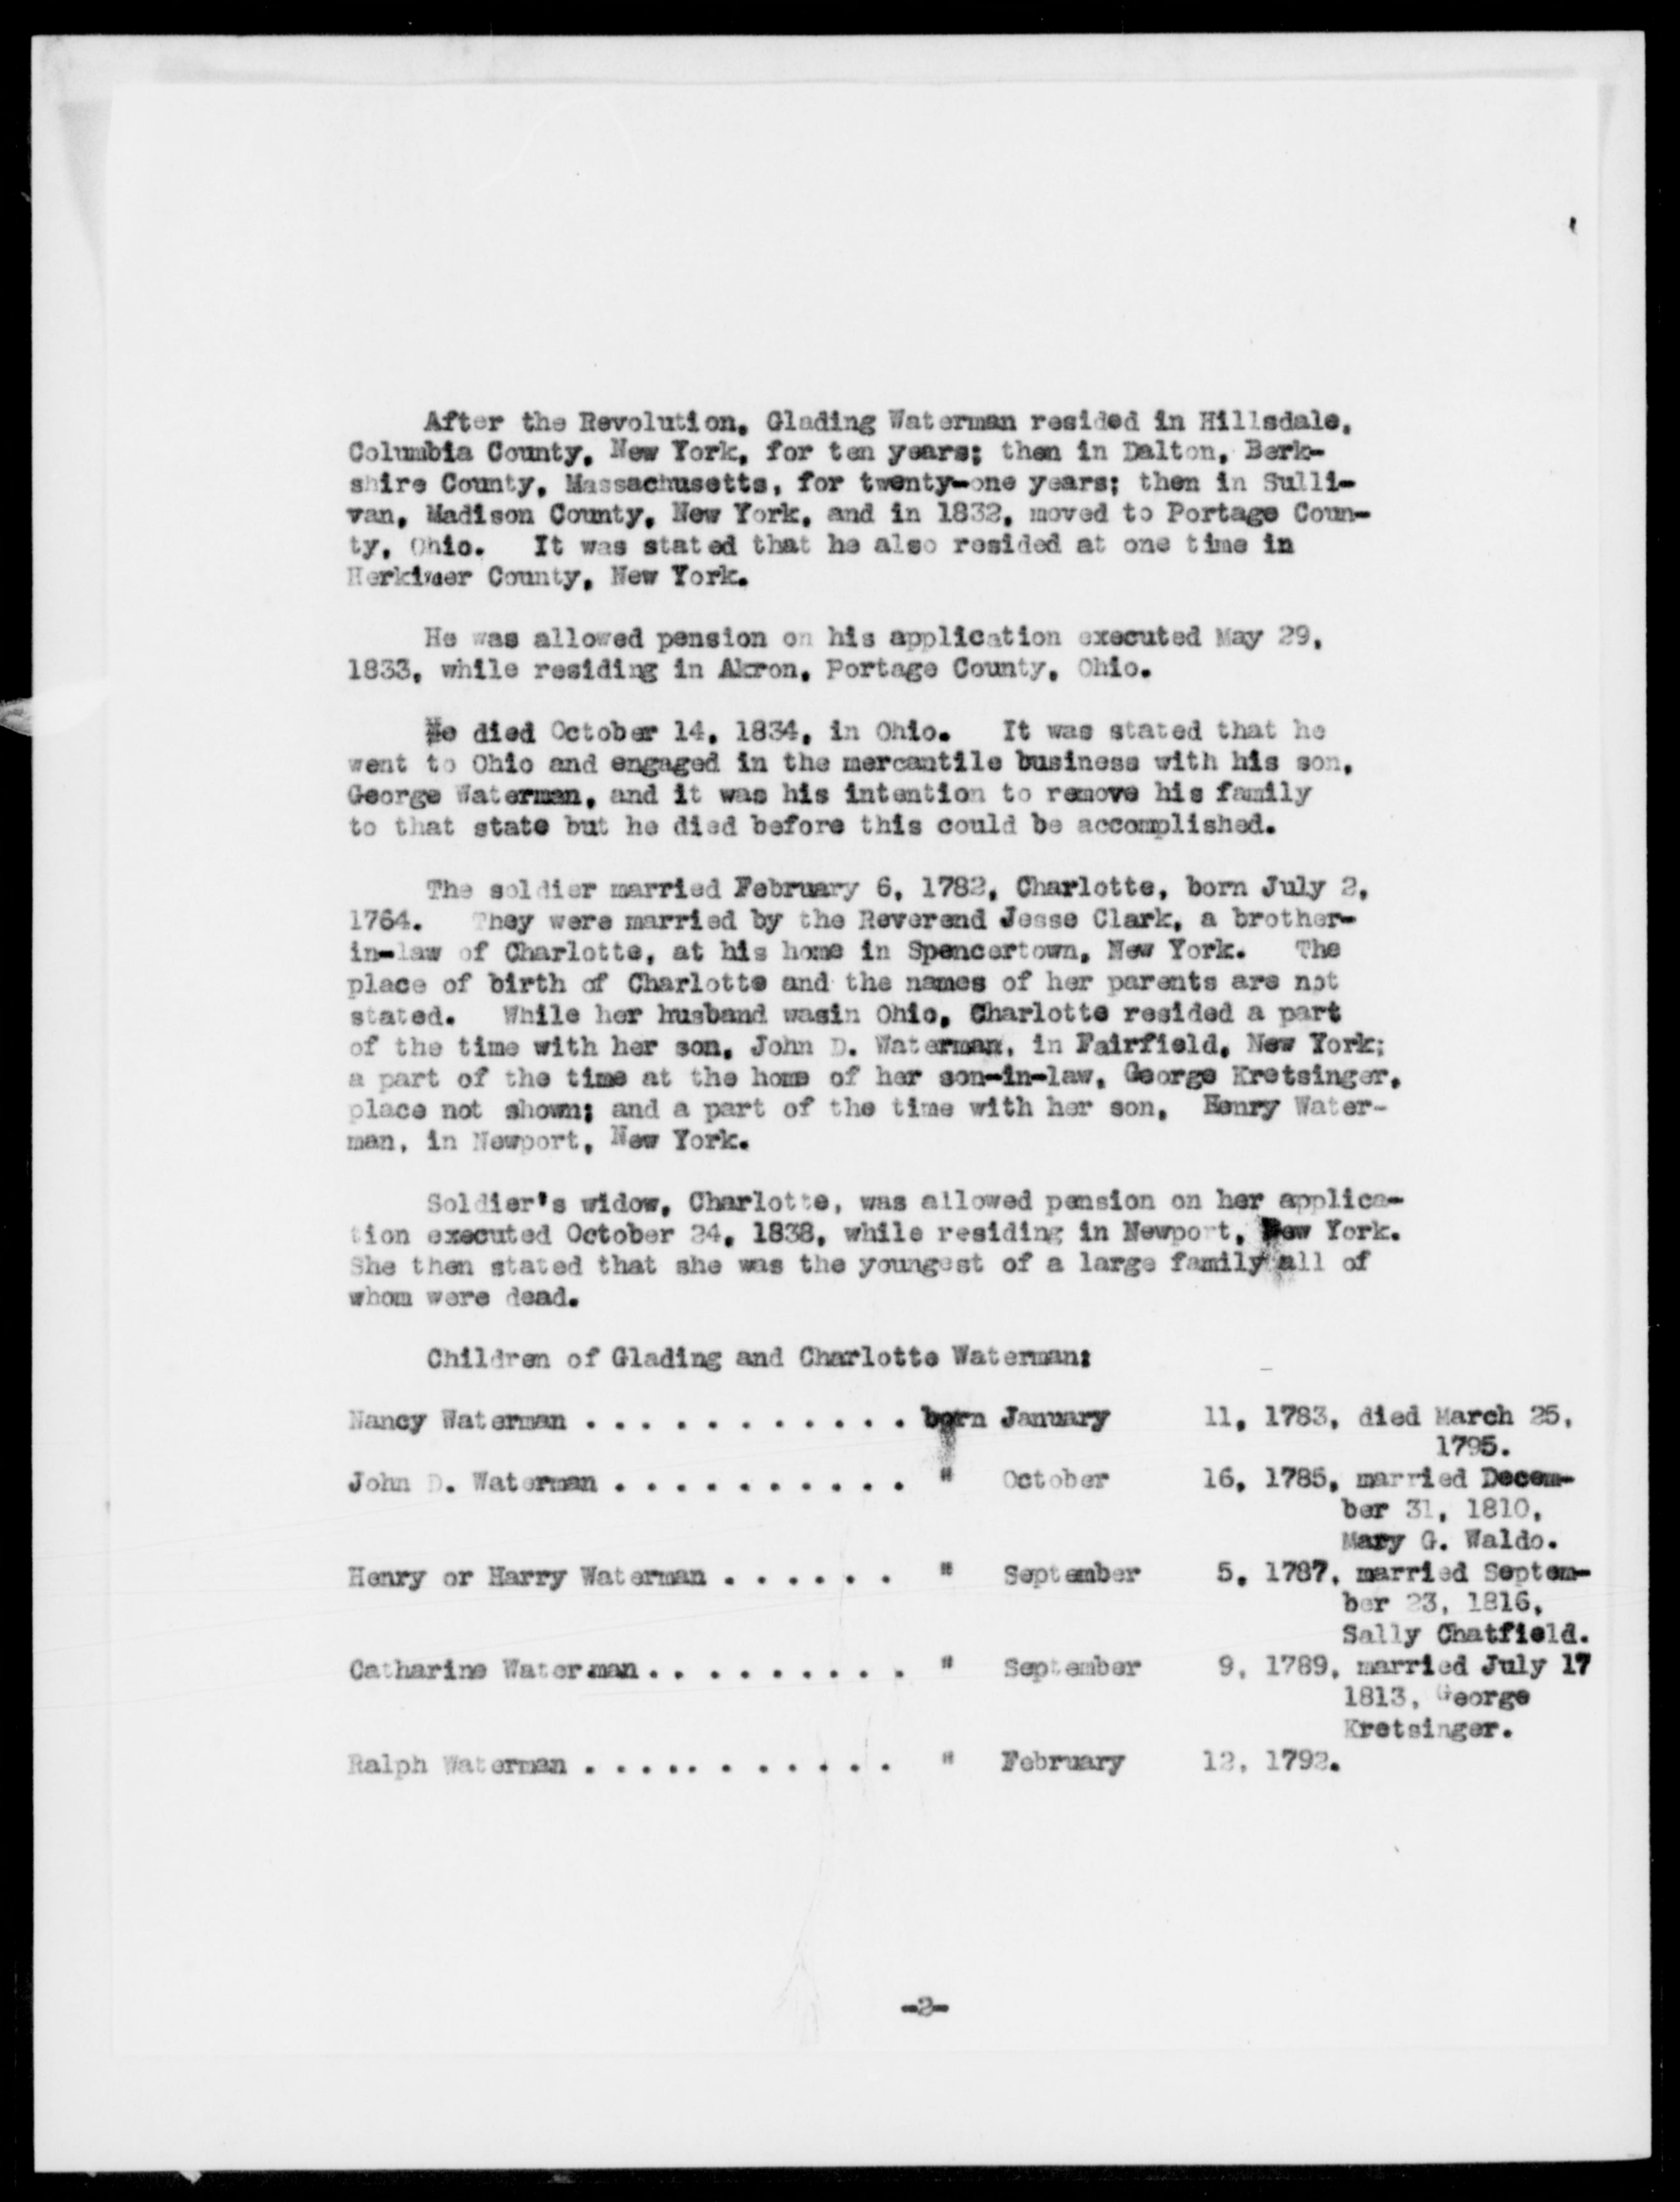After the Revolution, Glading Waterman resided in Hillsdale, Columbia County, New York, for ten years; then in Dalton, Berkshire County, Massachusetts, for twenty-one years; then in Sullivan, Madison County, New York, and in 1832, moved to Portage County, Ohio. It was stated that he also resided at one time in Herkimer County, New York.

       He was allowed pension on his application executed May 29, 1833, while residing in Akron, Portage County, Ohio.

        He died October 14, 1834, in Ohio. It was stated that he went to Ohio and engaged in the mercantile business with his son, George Waterman, and it was his intention to remove his family to that state but he died before this could be accomplished.

          The soldier married February 6, 1782, Charlotte, born July 2, 1764. They were married by the Reverend Jesse Clark, a brother-in-law of Charlotte, at his home in Spencertown, New York.  The place of birth of Charlotte and the names of her parents are not stated.  While her husband was in Ohio, Charlotte resided a part of the time with her son, John D. Waterman, in Fairfield, New York; a part of the time at the home of her son-in-law, George Kretsinger, place not shown; and a part of the time with her son, Henry Waterman, in Newport, New York.

         Soldier's widow, Charlotte, was allowed pension on her application executed October 24, 1838, while residing in Newport, New York. She then stated that she was the youngest of a large family all of whom were dead.

Children of Glading and Charlotte Waterman:

Nancy Waterman   born January 11, 1783, died March 25, 1795.

John D. Waterman    born October 16, 1785, married December 31, 1810 Mary G. Waldo.

Henry/Harry Waterman  born September 5, 1787, married September 23, 1816, Sally Chatfield.

Catharine Waterman   born September 9, 1789, married July 17, 1813, George Kretsinger.

Ralph Waterman   born February 12, 1792.

                                  -2-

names: John D Waterman, Jesse Clark, Mary G Waldo, Henry Waterman, Charlotte Waterman, George Waterman, George Kretsinger, Nancy Waterman, Ralph Waterman, Catharine Waterman, Glading Waterman, Sally Chatfield, Harry Waterman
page: 25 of 50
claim: widow's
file: W. 15814, Glading Waterman, Conn. Conn. Sea Service Continental